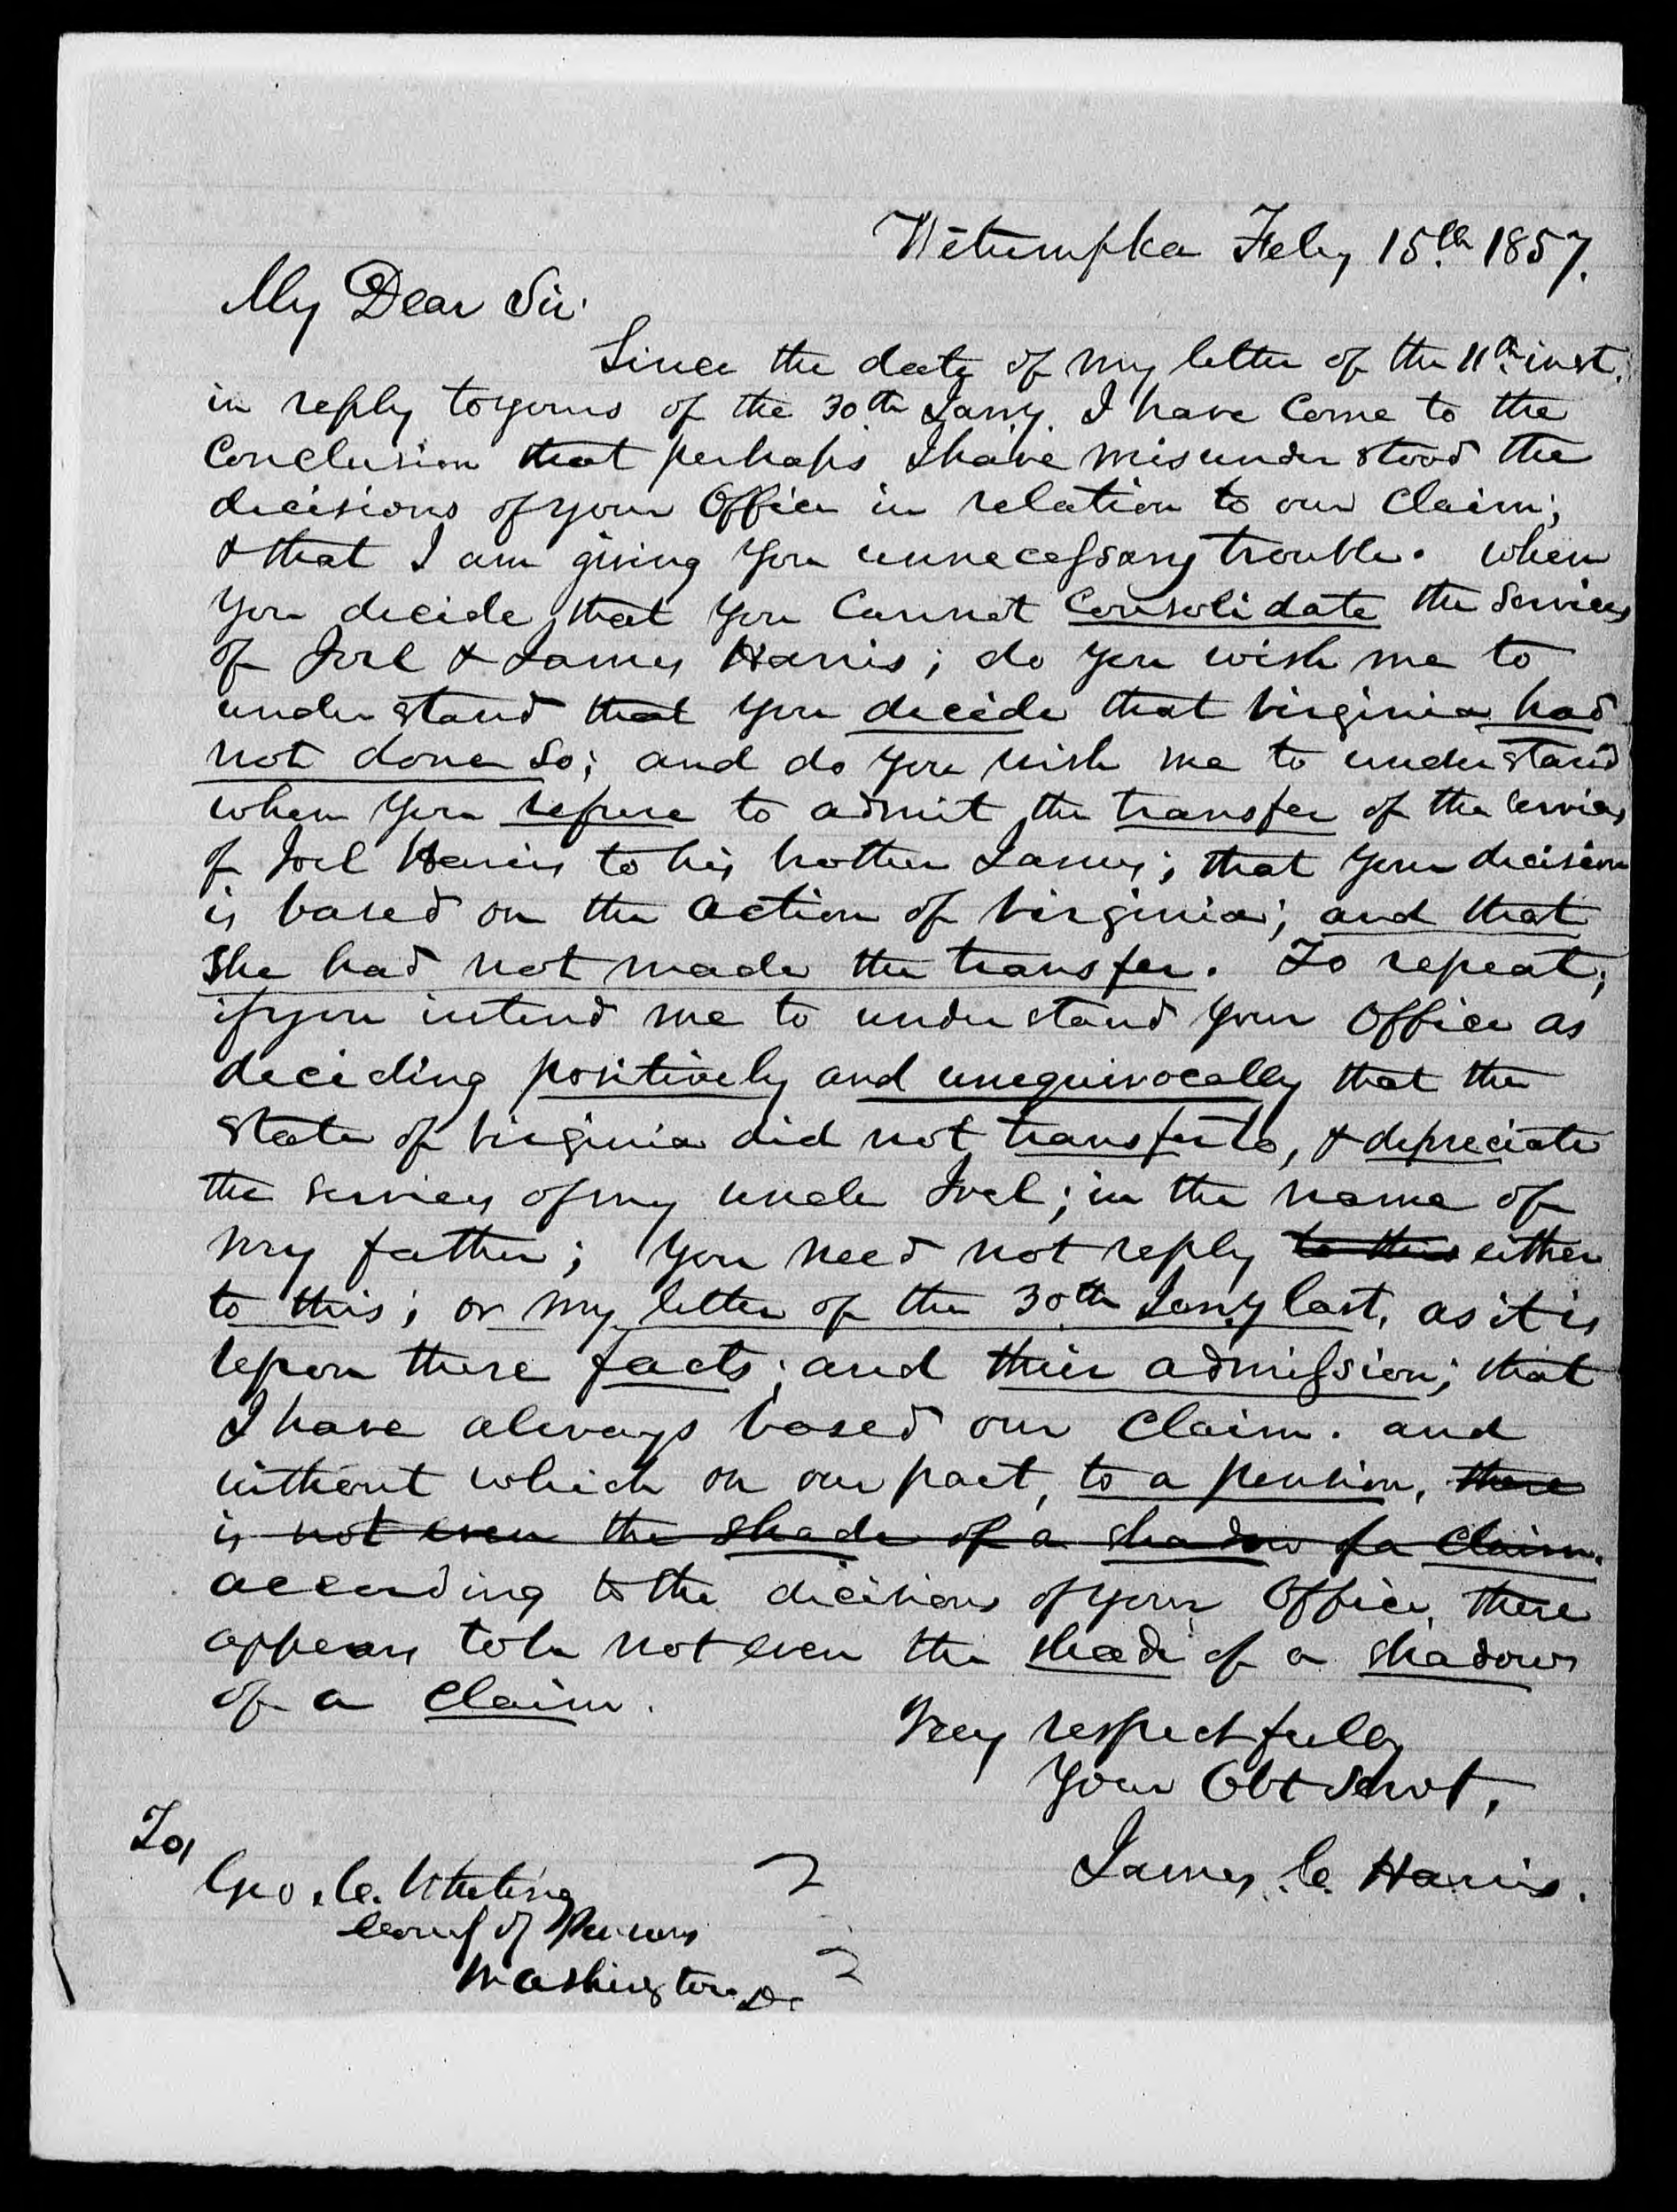Wetumpka Feby 15th 1857

My Dear Sir
Since the [?] of my letter of the 11th inst. in reply to yours of the 30th Jany, I have come to the conclusion that perhaps I have misunderstood the decisions of your office in relation to our claim, & that I am giving you unnecessary trouble.  When you decided that you cannot consolidate the services of Joel & James Harris, do you wish me to understand that you decide that Virginia had not done so, and do you wish me to understand when you refuse to admit the transfer of the service of Joel Harris to his brother James, that your decision is based on the action of Virginia, and that she had not made the transfer.  To repeat, if you intend me to understand your office as deciding positively and unequivocally that the state of Virginia did not transfer to & depreciate the services of my uncle Joel, in the name of my father, you need not reply [marked out: to this] either to this, or my letter of the 30th Jany last, as it is upon these facts and their admission that I have always based our claim. and without which on our part, to a pension {marked out: there is not even the hade of a shadow for claim] according to the decisions of your office, there appears to be not even the shade of a shadow of a claim.

Very respectfully
Your Obt Servt
James C. Harris

To,
 Geo. C. Whiting
Commis of Pensions
Washington DC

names: James Harris, Joel Harris, Joel, James C Harris, James, Geo C Whiting, Joel Harris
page: 61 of 160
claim: rejected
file: R. 4666, James Harris, Va.